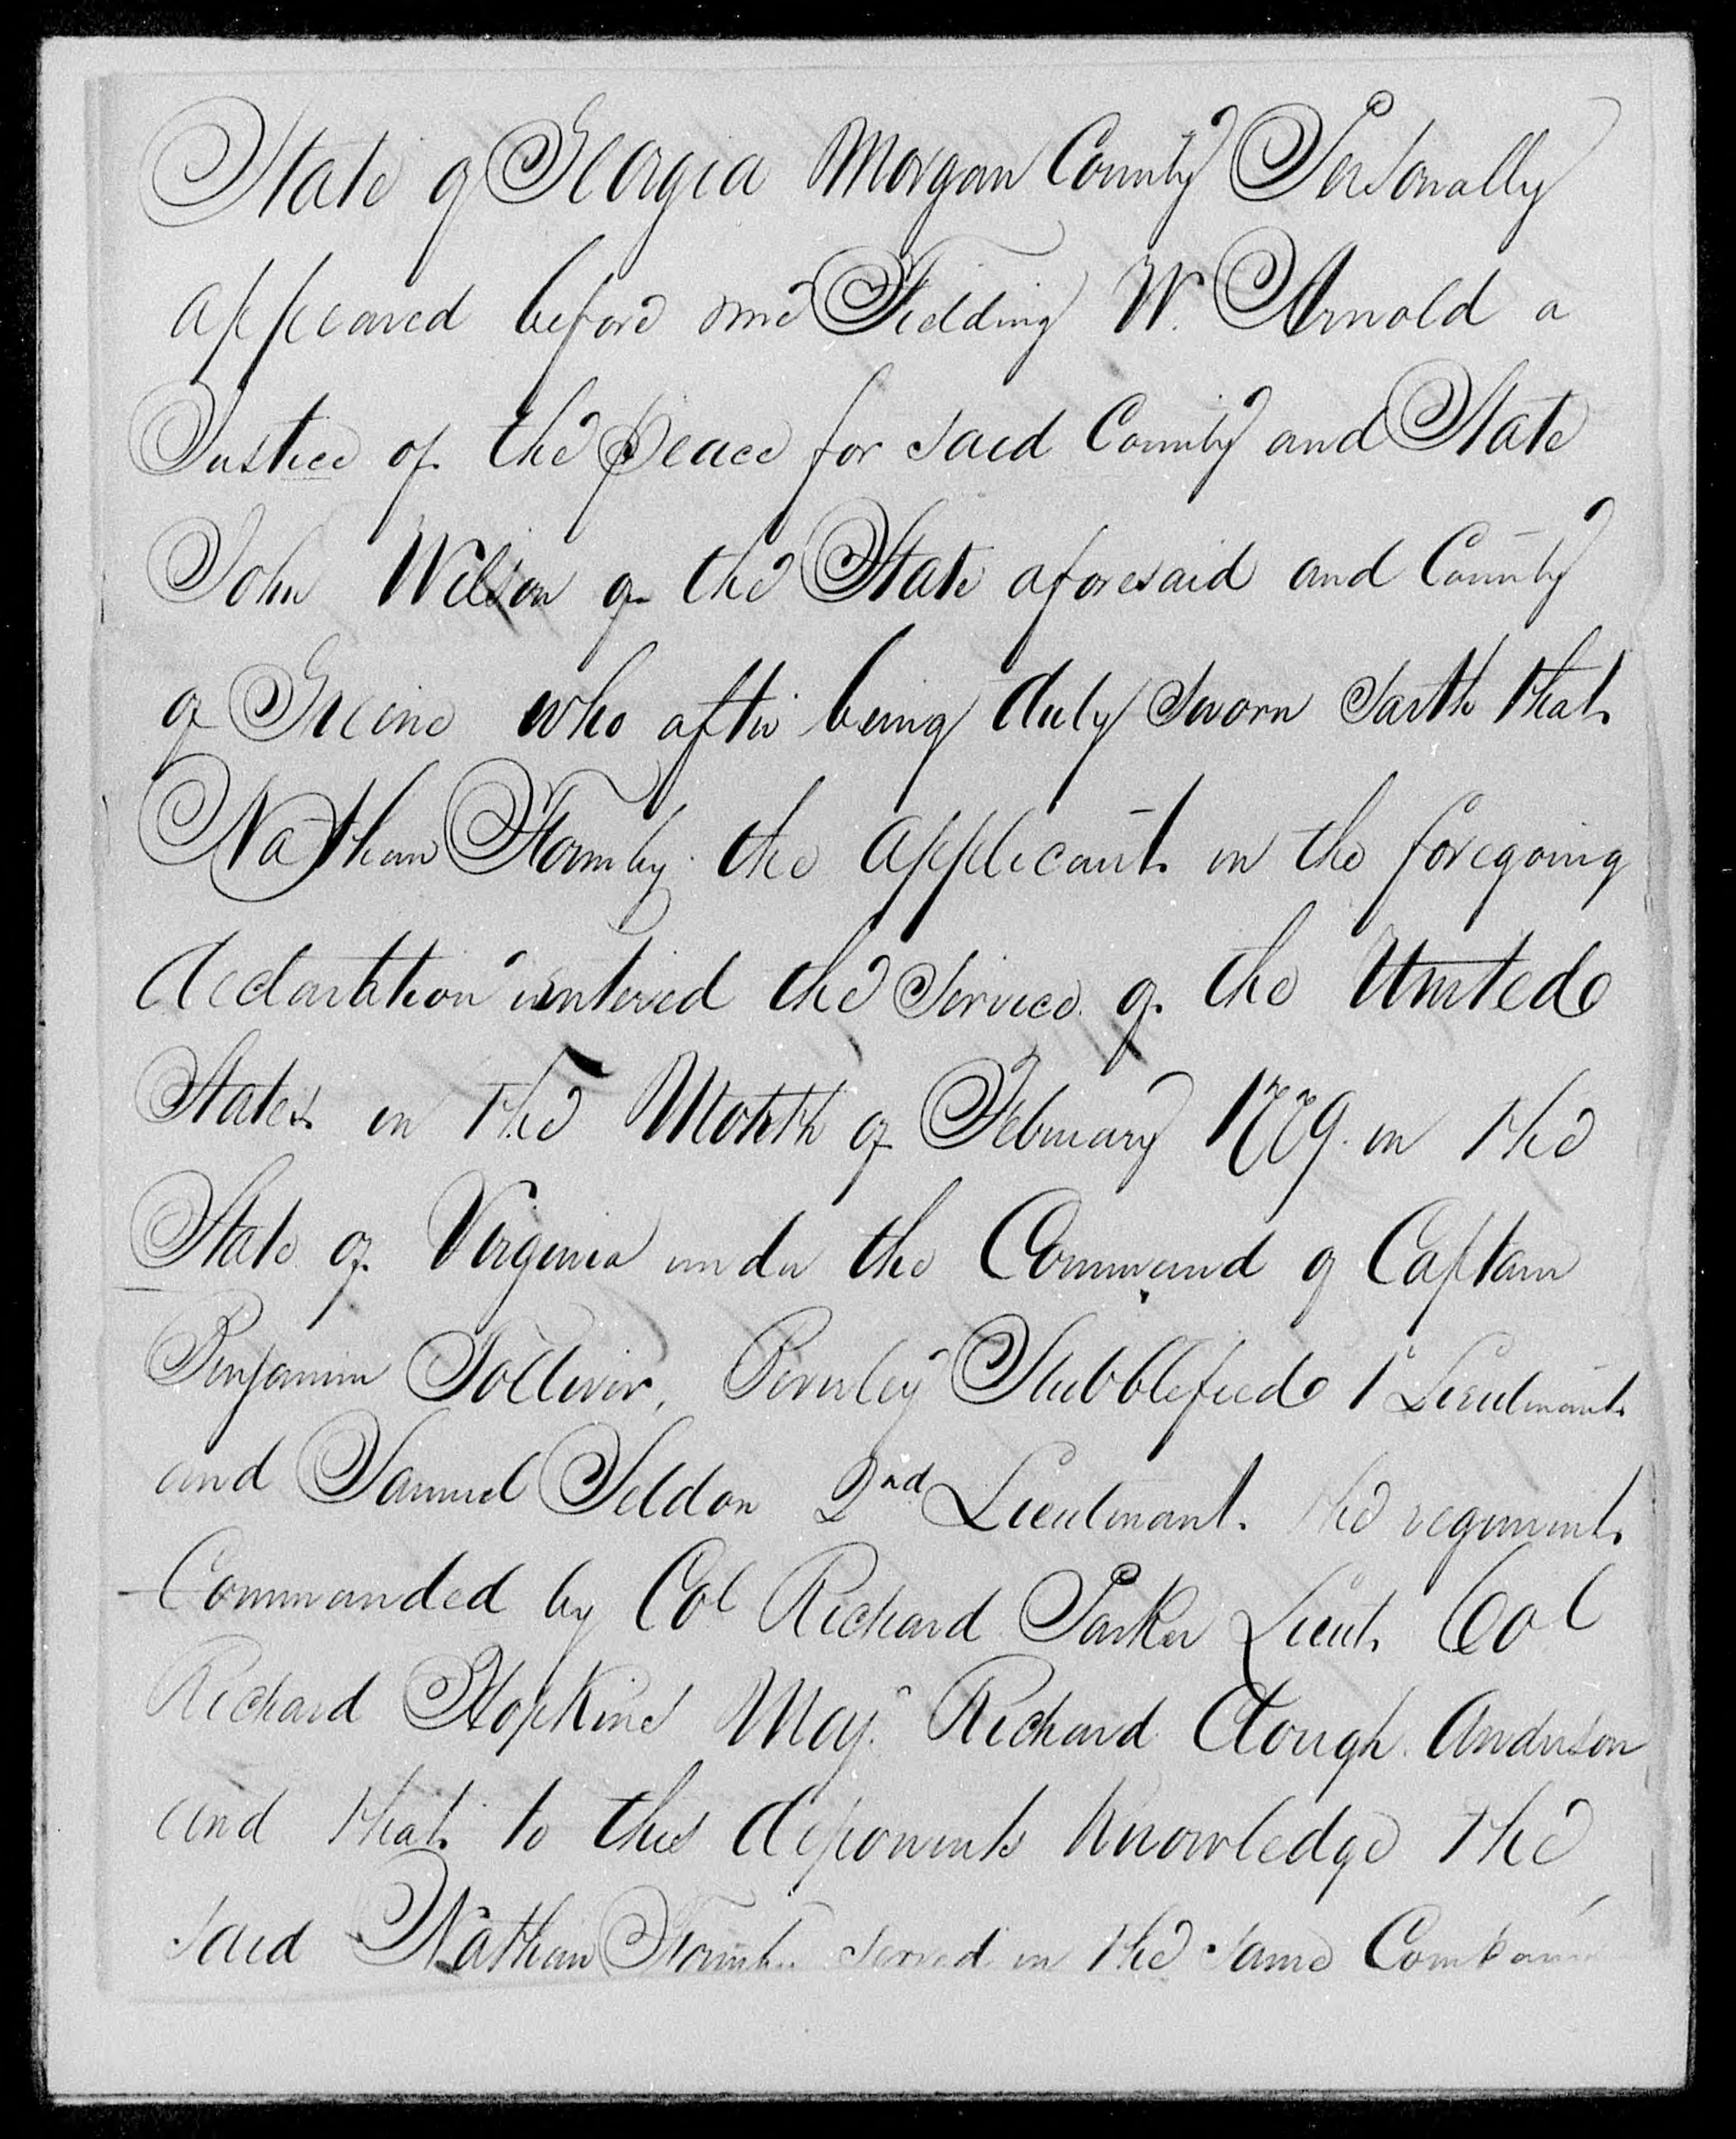State of Georgia Morgan County Personally appeared before me Fielding W. Arnold a Justice of the Peace for said County and State John Wilson of the State aforesaid and County of Greene who after being duly sworn saith that Nathan Formby the applicant in the foregoing declaration entered the service of the United States in the Month of February 17 in the State of Virginia under the Command of Captain Benjamin Tolliver, Pivrley Slubblefied 1 Lieutenant and Samuel Seldon 2nd Lieutenant, the regiment Commanded by Col Richard Parker Lieut, Col Richard Hopkine Maj Richard Clough Anderson and that to this deponents knowledge the said Nathan Formby served in the same Company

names: Richard Clough Anderson, Richard Parker, Nathan Formby, Richard Hopkins, Fielding W Arnold, Benjamin Tolliver, Nathan Formby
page: 38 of 54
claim: widow's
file: W. 3794, Nathan Formby, Va.